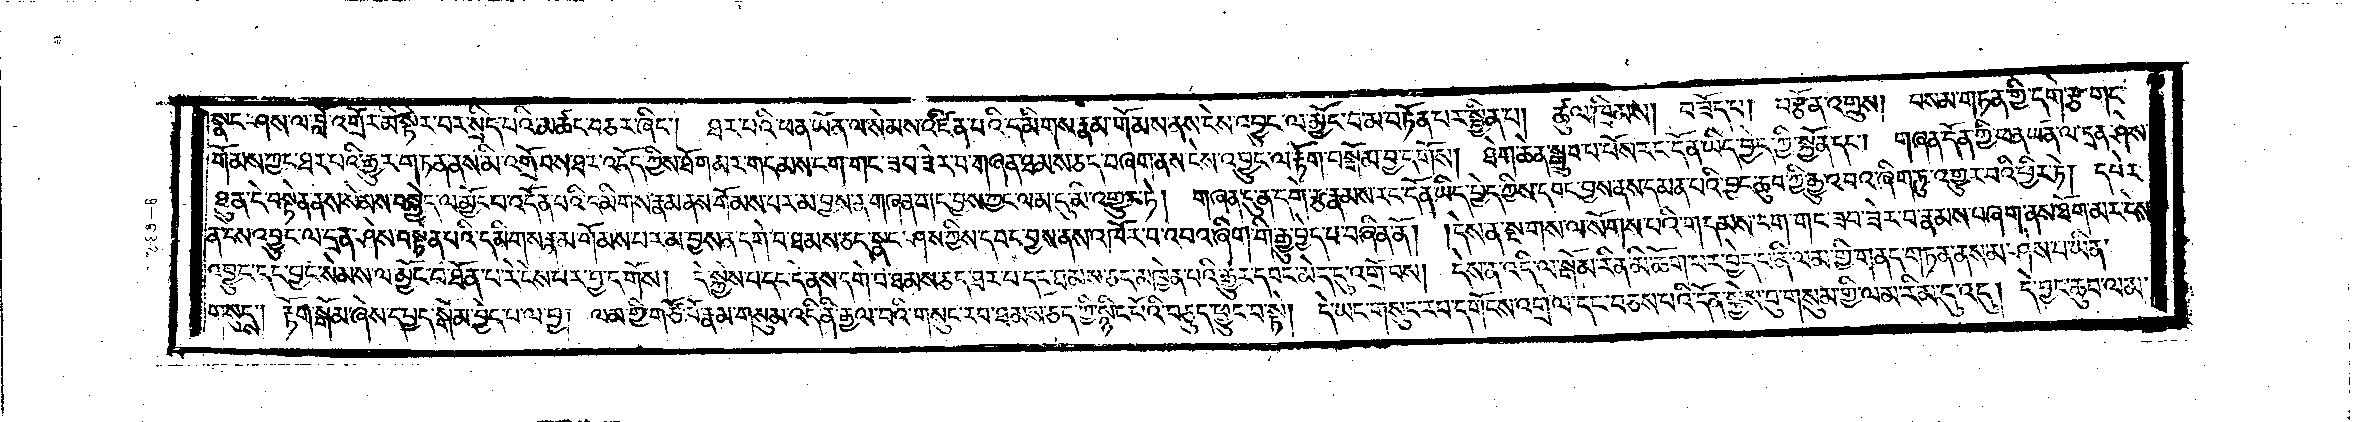སྣང་ཤས་ལ་བློ་འགྲོར་མི་སྟེར་བར་སྲིད་པའི་མཚང་བཅར་ཞིང་། ཐར་པའི་ཕན་ཡོན་ལ་སེམས་འཛིན་པའི་དམིགས་རྣམ་གོམས་ནས་ངེས་འབྱུང་ལ་མྱོང་བ་མ་བཏོན་པར་སྦྱིན་པ། ཚུལ་ཁྲིམས། བཟོད་པ། བརྩོན་འགྲུས། བསམ་གཏན་གྱི་དགེ་རྩ་གང་
གོམས་ཀྱང་ཐར་པའི་རྒྱུར་གཏན་ནས་མི་འགྲོ་བས་ཐར་འདོད་ཀྱིས་ཐོག་མར་གདམས་ངག་གང་ཟབ་ཟེར་བ་གཞན་ཐམས་ཅད་བཞག་ནས་ངེས་འབྱུང་ལ་རྟོག་བསྒོམ་བྱ་དགོས། ཐེག་ཆེན་སྒྲུབ་པ་པོས་རང་དོན་ཡིད་བྱེད་ཀྱི་སྐྱོན་དང་། གཞན་དོན་གྱི་ཕན་ཡོན་ལ་དྲན་ཤེས་
ཐུན་རེ་བསྟེན་ནས་སེམས་བསྐྱེད་ལ་མྱོང་བ་འདོན་པའི་དམིགས་རྣམ་ནས་གོམས་པར་མ་བྱས་ན་གཞན་གང་བྱས་ཀྱང་ལམ་དུ་མི་འགྱུར་ཏེ། གཞན་དུ་ན་དགེ་རྩ་རྣམས་རང་དོན་ཡིད་བྱེད་ཀྱིས་དབང་བྱས་ནས་དམན་པའི་བྱང་ཆུབ་ཀྱི་རྒྱུ་འབའ་ཞིག་ཏུ་འགྱུར་བའི་ཕྱིར་ཏེ། དཔེར་
ན་ངེས་འབྱུང་ལ་དྲན་ཤེས་བསྟེན་པའི་དམིགས་རྣམ་གོམས་པར་མ་བྱས་ན་དགེ་བ་ཐམས་ཅད་སྣང་ཤས་ཀྱིས་དབང་བྱས་ནས་འཁོར་བ་འབའ་ཞིག་གི་རྒྱུ་བྱེད་པ་བཞིན་ནོ། །དེས་ན་སྔགས་ལ་སོགས་པའི་གདམས་ངག་གང་ཟབ་ཟེར་བ་རྣམས་བཞག་ནས་ཐོག་མར་ངེས་
འབྱུང་དང་བྱང་སེམས་ལ་མྱོང་བ་ཐོན་པ་རེ་ངེས་པར་བྱ་དགོས། དེ་སྐྱེས་པ་དང་དེ་ནས་དགེ་བ་ཐམས་ཅད་ཐར་པ་དང་ཐམས་ཅད་མཁྱེན་པའི་རྒྱུར་དབང་མེད་དུ་འགྲོ་བས། དེས་ན་འདི་ལ་སྒོམ་རིན་མི་ཆོག་པར་བྱེད་པ་ནི་ལམ་གྱི་གནད་གཏན་ནས་མ་ཤེས་པ་ཡིན་
གསུངས། རྟོག་སྒོམ་ཞེས་དཔྱད་སྒོམ་བྱེད་པ་ལ་བྱ། ལམ་གྱི་གཙོ་བོ་རྣམ་གསུམ་འདི་ནི་རྒྱལ་བའི་གསུང་རབ་ཐམས་ཅད་ཀྱི་སྙིང་པོའི་བཅུད་ཕྱུང་བ་སྟེ། དེ་ཡང་གསུང་རབ་དགོངས་འགྲེལ་དང་བཅས་པའི་དོན་སྐྱེས་བུ་གསུམ་གྱི་ལམ་རིམ་དུ་འདུ། དེ་བྱང་ཆུབ་ལམ་